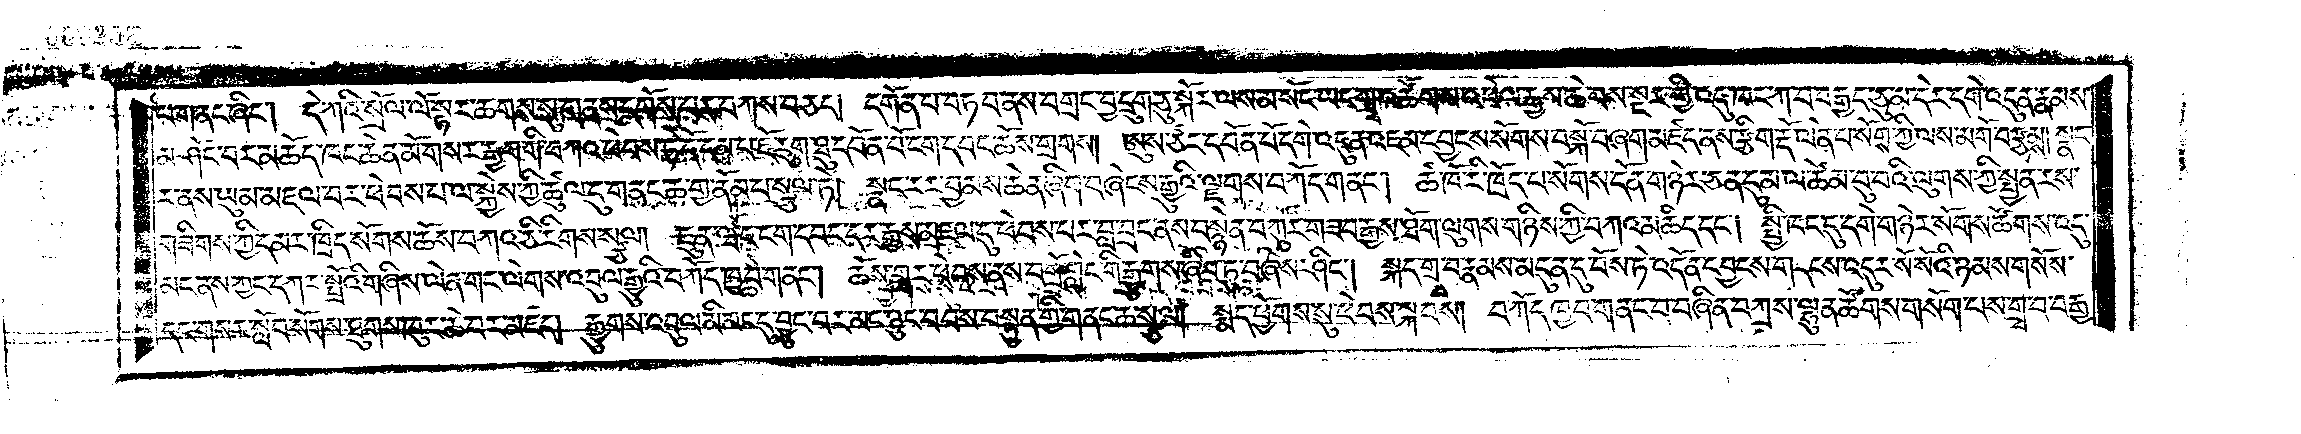པ་གནང་ཞིང་། དེ་ཀའི་སྲོལ་ལོ་སྟར་ཆགས་སུ་གནས་དགོས་པར་བཀས་བཅད། དགོན་པ་བཏབ་ནས་བགྲང་བྱ་དྲུག་ཅུ་སྐོར་ལས་མ་སོང་ཡང་གྲྭ་འཚོགས་འཕེལ་རྒྱས་ཆེ་བས་སྔར་གྱི་འདུ་ཁང་ཀ་བ་བརྒྱད་ཅུ་མ་དེར་དགེ་འདུན་རྣམས་
མ་ཤོང་བར་མཆོད་ཁང་ཆེན་མོ་གསར་རྒྱག་གི་བཀའ་ཕེབས་ཏེ་དོ་དམ་པ་ཇོ་རུག་ཐུ་དཔོན་བོ་ངག་དབང་ཆོས་གྲགས། ཨུས་ཙང་དབོན་པོ་དགེ་འདུན་འཇམ་དབྱངས་སོགས་བསྐོ་བཞག་མཛད་ནས་རྩིག་རྡོ་ལེན་པ་སོགས་ཀྱི་ལས་མགོ་བརྩམས། སྣང་
ར་ནས་ཡུམ་མཇལ་བར་ཕེབས་པ་ལ་སྐྱེས་ཀྱི་ཚུལ་དུ་གནང་ཆ་གྱ་ནོམ་པ་སྩལ་ཏེ། སྣང་རང་བྱམས་ཆེན་ཞིག་བཞེངས་རྒྱུའི་ལྗགས་བཀོད་གནང་། ཚ་ཁོ་རི་ཁྲོད་པ་སོགས་དོན་གཉེར་ཅན་དུ་མ་ལ་ཚེམ་བུ་བའི་ལུགས་ཀྱི་སྤྱན་རས་
གཟིགས་ཀྱི་དམར་ཁྲིད་སོགས་ཆོས་བཀའ་ཅི་རིགས་སྩལ། ཇུན་ཝང་ངག་དབང་དར་རྒྱས་མཇལ་དུ་ཕེབས་པར་བླ་བྲང་ནས་བསྙེན་བཀུར་གཟབ་རྒྱས་ཐོག་ལུགས་གཉིས་ཀྱི་བཀའ་མཆིད་དང་། སྤྱི་ཁང་དུ་དགེ་གཉེར་སོགས་ཚོགས་འདུ་
མང་ནས་ཀྱང་དཀར་སྤྲོའི་གཞིས་ལེན་གང་ལེགས་འབུལ་རྒྱུའི་བཀོད་ཁྱབ་གནང་། ཆོས་གྲྭར་ཕེབས་ནས་བགྲོ་གླེང་གི་རྒྱུགས་ཞིབ་ཏུ་བཞེས་ཤིང་། སྐད་གྲྭ་བ་རྣམས་མདུན་དུ་བོས་ཏེ་འདོན་དབྱངས་གདངས་འདུར་སོ་སོའི་ཉམས་གསོས་
དང་གསར་སློབ་སོགས་ཐུགས་ཁུར་ཆེ་བར་མཛད། རྒྱུགས་འབུལ་མི་མང་དུ་བྱུང་བར་མང་ཉུང་ཕབས་བསྟུན་གྱི་གནང་ཆ་སྩལ། སྨད་ཕྱོགས་སུ་ཕེབས་སྐབས། བཀོད་ཁྱབ་གནང་བ་བཞིན་བཀྲས་ལྷུན་ཚོགས་གསོག་པས་གྲྭ་བ་བརྒྱ་